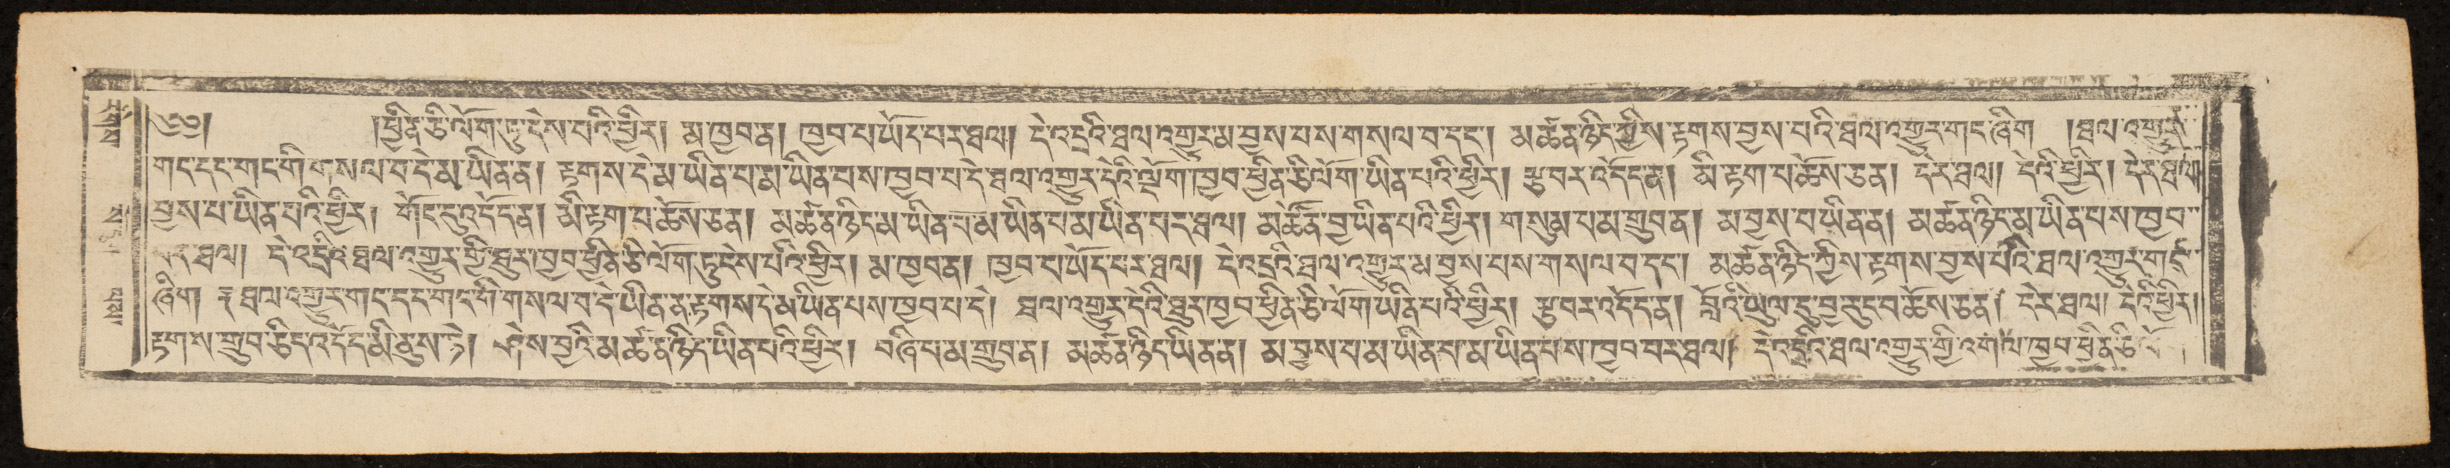༄༅། །ཕྱིན་ཅི་ལོག་ཏུ་ངེས་པའི་ཕྱིར། མ་ཁྱབ་ན། ཁྱབ་པ་ཡོད་པར་ཐལ། དེ་འདྲའི་ཐལ་འགྱུར་མ་བྱས་པས་གསལ་བ་དང་། མཚན་ཉིད་ཀྱིས་རྟགས་བྱས་པའི་ཐལ་འགྱུར་གང་ཞིག །ཐལ་འགྱུར་
གང་དང་གང་གི་གསལ་བ་དེ་མ་ཡིན་ན། རྟགས་དེ་མ་ཡིན་པ་མ་ཡིན་པས་ཁྱབ་པ་དེ་ཐལ་འགྱུར་དེའི་ལྡོག་ཁྱབ་ཕྱིན་ཅི་ལོག་ཡིན་པའི་ཕྱིར། རྩ་བར་འདོད་ན། མི་རྟག་པ་ཆོས་ཅན། དེར་ཐལ། དེའི་ཕྱིར། དེར་ཐལ།
བྱས་པ་ཡིན་པའི་ཕྱིར། གོང་དུ་འདོད་ན། མི་རྟག་པ་ཆོས་ཅན། མཚན་ཉིད་མ་ཡིན་པ་མ་ཡིན་པ་མ་ཡིན་པར་ཐལ། མཚོན་བྱ་ཡིན་པའི་ཕྱིར། གསུམ་པ་མ་གྲུབ་ན། མ་བྱས་པ་ཡིན་ན། མཚན་ཉིད་མ་ཡིན་པས་ཁྱབ་
པར་ཐལ། དེ་འདྲའི་ཐལ་འགྱུར་གྱི་ཐུར་ཁྱབ་ཕྱིན་ཅི་ལོག་ཏུ་ངེས་པའི་ཕྱིར། མ་ཁྱབ་ན། ཁྱབ་པ་ཡོད་པར་ཐལ། དེ་འདྲའི་ཐལ་འགྱུར་མ་བྱས་པས་གསལ་བ་དང་། མཚན་ཉིད་ཀྱིས་རྟགས་བྱས་པའི་ཐལ་འགྱུར་གང་
ཞིག །ཐལ་འགྱུར་གང་དང་གང་གི་གསལ་བ་དེ་ཡིན་ན་རྟགས་དེ་མ་ཡིན་པས་ཁྱབ་པ་དེ། ཐལ་འགྱུར་དེའི་ཐུར་ཁྱབ་ཕྱིན་ཅི་ལོག་ཡིན་པའི་ཕྱིར། རྩ་བར་འདོད་ན། བློའི་ཡུལ་དུ་བྱ་རུང་བ་ཆོས་ཅན། དེར་ཐལ། དེའི་ཕྱིར།
རྟགས་གྲུབ་ཅིང་འདོད་མི་ནུས་ཏེ། ཤེས་བྱའི་མཚན་ཉིད་ཡིན་པའི་ཕྱིར། བཞི་པ་མ་གྲུབ་ན། མཚན་ཉིད་ཡིན་ན། མ་བྱས་པ་མ་ཡིན་པ་མ་ཡིན་པས་ཁྱབ་པར་ཐལ། དེ་འདྲའི་ཐལ་འགྱུར་གྱི་འགལ་ཁྱབ་ཕྱིན་ཅི་ལོག་